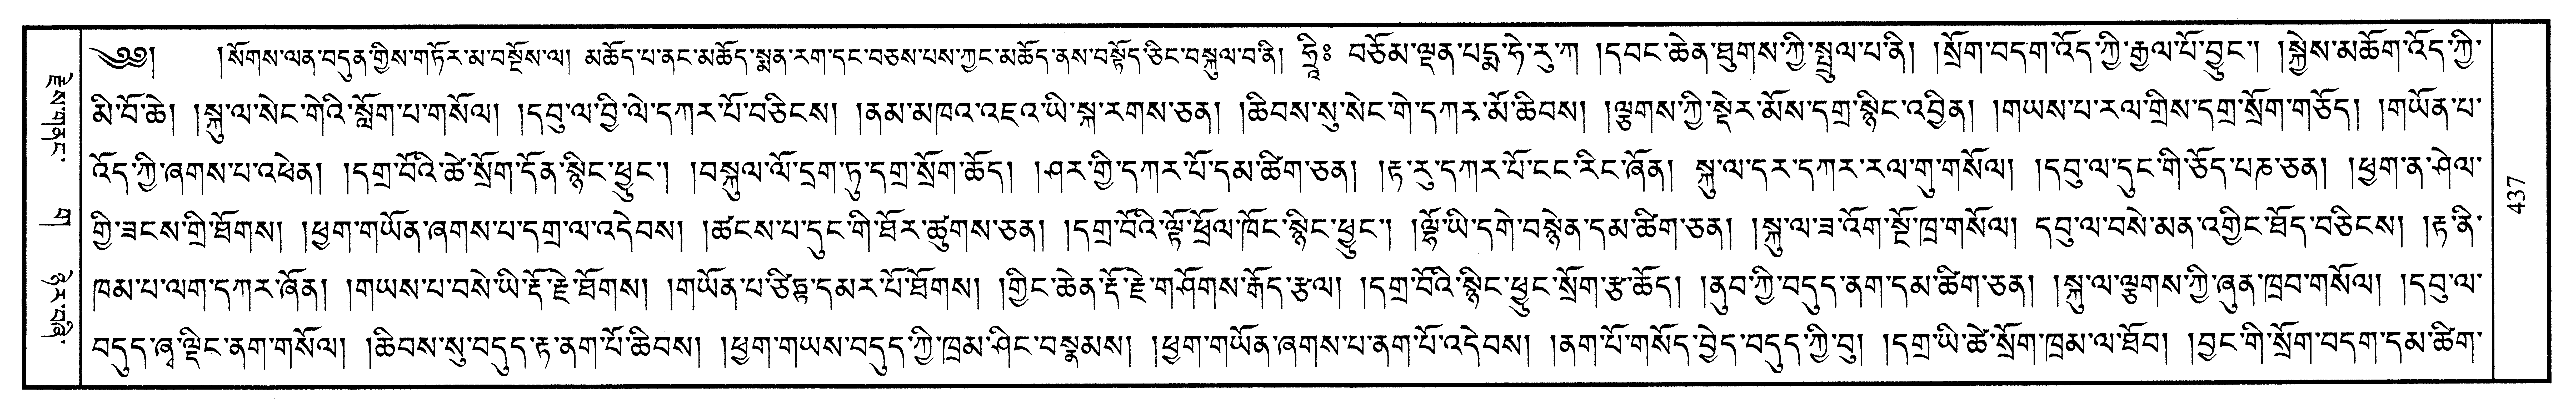༄༅། །སོགས་ལན་བདུན་གྱིས་གཏོར་མ་བསྔོས་ལ། མཆོད་པ་ནང་མཆོད་སྨན་རག་དང་བཅས་པས་ཀྱང་མཆོད་ནས་བསྟོད་ཅིང་བསྐུལ་བ་ནི། ཧྲཱིཿ བཅོམ་ལྡན་པདམ་ཧེ་རུ་ཀ །དབང་ཆེན་ཐུགས་ཀྱི་སྤྲུལ་པ་ནི། །སྲོག་བདག་འོད་ཀྱི་རྒྱལ་པོ་བྱུང་། །སྐྱེས་མཆོག་འོད་ཀྱི་
མི་བོ་ཆེ། །སྐུ་ལ་སེང་གེའི་སློག་པ་གསོལ། །དབུ་ལ་བྱི་ལེ་དཀར་པོ་བཅིངས། །ནམ་མཁའ་འཇའ་ཡི་སྐ་རགས་ཅན། །ཆིབས་སུ་སེང་གེ་དཀར་མོ་ཆིབས། །ལྕགས་ཀྱི་སྡེར་མོས་དགྲ་སྙིང་འབྱིན། །གཡས་པ་རལ་གྲིས་དགྲ་སོགས་གཅོད། །གཡོན་པ་
འོད་ཀྱི་ཞགས་པ་འཕེན། །དགྲ་བོའི་ཚེ་སྲོག་དོན་སྙིང་ཕྱུང་། བསྐུལ་ལོ་དྲག་ཏུ་དགྲ་སྲོག་ཆོད། །ཤར་གྱི་དཀར་པོ་དམ་ཚིག་ཅན། །རྟ་རུ་དཀར་པོ་ངང་རིང་ཞོན། སྐུ་ལ་དར་དཀར་རལ་གུ་གསོལ། །དབུ་ལ་དུང་གི་ཅོད་པཎ་ཅན། །ཕྱག་ན་ཤེལ་
གྱི་ཟངས་གྲི་ཐོགས། །ཕྱག་གཡོན་ཞགས་པ་དགྲ་ལ་འདེབས། །ཚངས་པ་དུང་གི་ཐོར་ཚུགས་ཅན། །དགྲ་བོའི་ལྟོ་ཕྲོལ་ཁོང་སྙིང་ཕྱུང་། །ལྷོ་ཡི་དགེ་བསྙེན་དམ་ཚིག་ཅན། །སྐུ་ལ་ཟ་འོག་སྔོ་ཁྲ་གསོལ། དབུ་ལ་བསེ་མན་འགྱིང་ཐོད་བཅིངས། །རྟ་ནི་
ཁམ་པ་ལག་དཀར་ཞོན། །གཡས་པ་བསེ་ཡི་རྡོ་རྗེ་ཐོགས། །གཡོན་པ་ཙིཏྟ་དམར་པོ་ཐོགས། །གྱིང་ཆེན་རྡོ་རྗེ་གཤོགས་རྒོད་རྩལ། །དགྲ་བོའི་སྙིང་ཕྱུང་སྲོག་རྩ་ཆོད། །ནུབ་ཀྱི་བདུད་ནག་དམ་ཚིག་ཅན། །སྐུ་ལ་ལྕགས་ཀྱི་ཞུན་ཁྲབ་གསོལ། །དབུ་ལ་
བདུད་ཞྭ་ལྡིང་ནག་གསོལ། །ཆིབས་སུ་བདུད་རྟ་ནག་པོ་ཆིབས། །ཕྱག་གཡས་བདུད་ཀྱི་ཁྲམ་ཤིང་བསྣམས། །ཕྱག་གཡོན་ཞགས་པ་ནག་པོ་འདེབས། །ནག་པོ་གསོད་བྱེད་བདུད་ཀྱི་བུ། །དགྲ་ཡི་ཚེ་སྲོག་ཁྲམ་ལ་ཐོབ། །བྱང་གི་སྲོག་བདག་དམ་ཚིག་